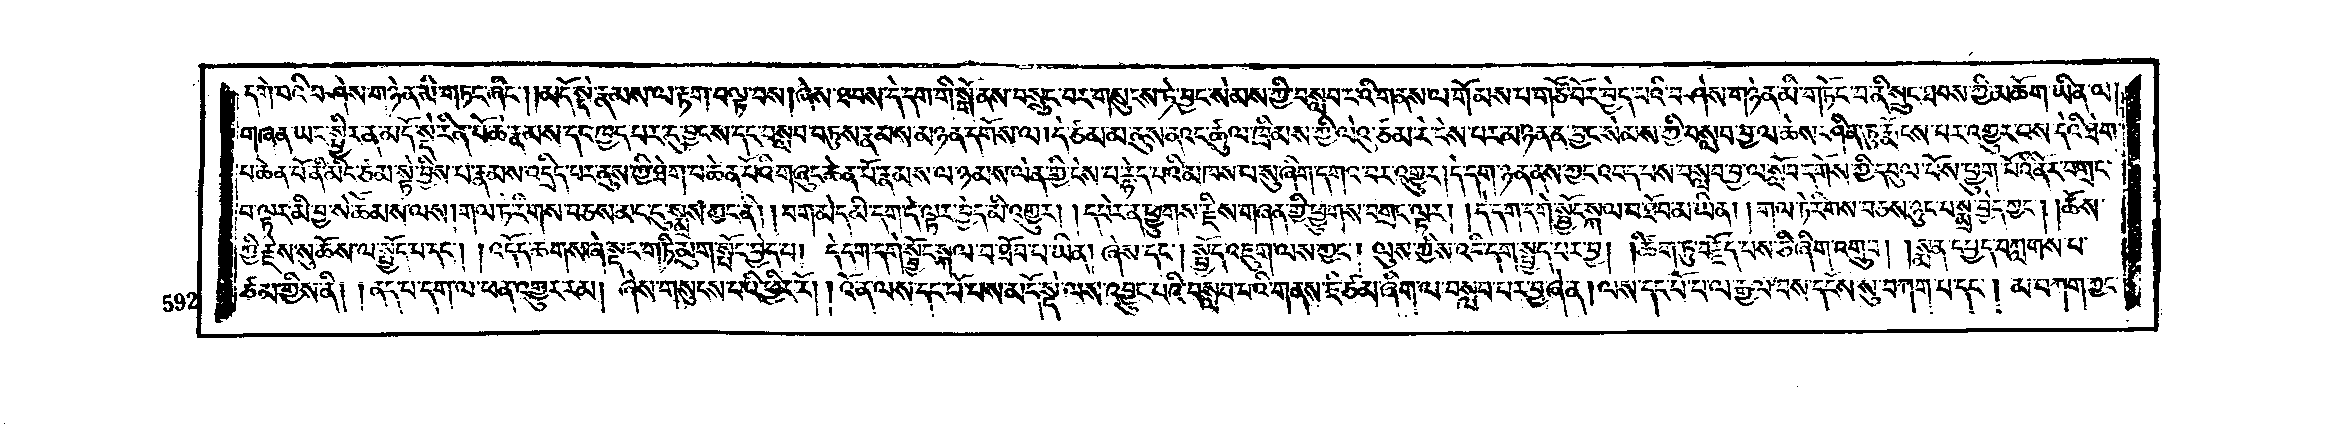དགེ་བའི་བཤེས་གཉེན་མི་གཏང་ཞིང་། །མདོ་སྡེ་རྣམས་ལ་རྟག་བལྟ་བས། ཞེས་ཐབས་དེ་དག་གི་སྒོ་ནས་བསྲུང་བར་གསུངས་ཏེ་བྱང་སེམས་ཀྱི་བསླབ་པའི་གནས་ལ་གོམས་པ་གཙོ་བོར་བྱེད་པའི་བཤེས་གཉེན་མི་གཏོང་བ་ནི་སྲུང་ཐབས་ཀྱི་མཆོག་ཡིན་ལ།
གཞན་ཡང་སྤྱིར་ན་མདོ་སྡེ་རིན་པོ་ཆེ་རྣམས་དང་ཁྱད་པར་དུ་བྱངས་དང་བསླབ་བཏུས་རྣམས་མཉན་དགོས་ལ། དེ་ཙམ་མ་ནུས་ནའང་ཚུལ་ཁྲིམས་ཀྱི་ལེའུ་ཙམ་རེ་ངེས་པར་མཉན་ན་བྱང་སེམས་ཀྱི་བསླབ་བྱ་ལ་ཆེས་ཤིན་ཏུ་རྨོངས་པར་འགྱུར་བས་དེའི་ཐེག་
པ་ཆེན་པོ་ནི་མིང་ཙམ་སྟེ་བྱིས་པ་རྣམས་འདྲིད་པར་ནུས་ཀྱི་ཐེག་པ་ཆེན་པོའི་གཞུང་ཆེན་པོ་རྣམས་ལ་ཉམས་ལེན་གྱི་ངེས་པ་རྙེད་པའི་མཁས་པ་སུ་ཞིག་དགའ་བར་འགྱུར། དེ་དག་ཉན་ནས་ཀྱང་འབད་པས་བསླབ་བྱ་ལ་སློབ་དགོས་ཀྱི་དབུལ་པོས་ཕྱུག་པོའི་ནོར་བགྲང་
བ་ལྟར་མི་བྱ་སེ་ཚོམས་ལས། གལ་ཏེ་རིགས་བཅས་མང་དུ་སྨྲས་ཀྱང་ནི། །བག་མེད་མི་དག་དེ་ལྟར་བྱེད་མི་འགྱུར། །དཔེར་ན་ཕྱུགས་རྗིས་གཞན་གྱི་ཕྱུགས་བགྲང་ལྟར། །དེ་དག་དགེ་སྦྱོང་སྐལ་བ་ཐོབ་མ་ཡིན། །གལ་ཏེ་རིགས་བཅས་ཉུང་པ་སྨྲ་བྱེད་ཀྱང་། །ཆོས་
ཀྱི་རྗེས་སུ་ཆོས་ལ་སྤྱོད་པ་དང་། །འདོད་ཆགས་ཞེ་སྡང་གཏི་མུག་སྤོང་བྱེད་པ། དེ་དག་དགེ་སྦྱོང་སྐལ་པ་ཐོབ་པ་ཡིན། ཞེས་དང་། སྤྱོད་འཇུག་ལས་ཀྱང་། ལུས་ཀྱིས་འདི་དག་སྤྱད་པར་བྱ། །ཚིག་ཏུ་བརྗོད་པས་ཅི་ཞིག་འགྲུབ། །སྨན་དཔྱད་བཀླགས་པ་
ཙམ་གྱིས་ནི། །ནད་པ་དག་ལ་ཕན་འགྱུར་རམ། ཞེས་གསུངས་པའི་ཕྱིར་རོ། །འོ་ན་ལས་དང་པོ་པས་མདོ་སྡེ་ལས་འབྱུང་པའི་བསླབ་པའི་གནས་ཇི་ཙམ་ཞིག་ལ་བསླབ་པར་བྱ་ཞེ་ན། ལས་དང་པོ་པ་ལ་རྒྱལ་བས་དངོས་སུ་བཀག་པ་དང་། མ་བཀག་ཀྱང་